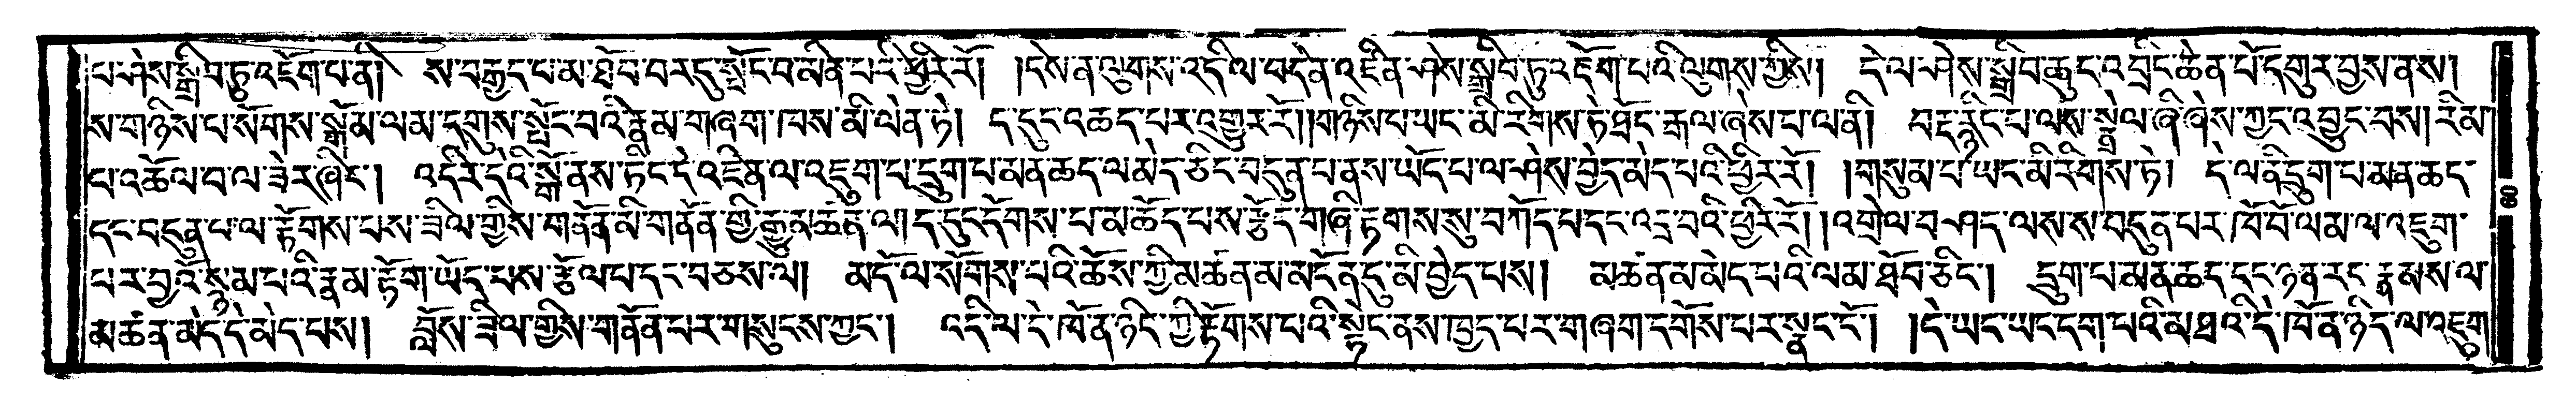པ་ཤེས་སྒྲིབ་ཏུ་འཇོག་པ་ནི། ས་བརྒྱད་པ་མ་ཐོབ་བར་དུ་སྤོང་བ་མིན་པའི་ཕྱིར་རོ། །དེས་ན་ལུགས་འདི་ལ་བདེན་འཛིན་ཤེས་སྒྲིབ་ཏུ་འཇོག་པའི་ལུགས་ཀྱིས། དེ་ལ་ཤེས་སྒྲིབ་ཆུང་འབྲིང་ཆེན་པོ་དགུར་བྱས་ནས།
ས་གཉིས་པ་སོགས་སྒོམ་ལམ་དགུས་སྤོང་བའི་རྣམ་གཞག་ཁས་མི་ལེན་ཏེ། ད་དུང་འཆད་པར་འགྱུར་རོ། །གཉིས་པ་ཡང་མི་རིགས་ཏེ་ཐོད་རྒལ་ཞེས་པ་ལ་ནི། བརྡ་རྙིང་པ་ལས་སྣྲེལ་ཞི་ཞེས་ཀྱང་འབྱུང་བས། རིམ་
པ་འཆོལ་བ་ལ་ཟེར་ཞིང་། འདིར་དེའི་སྒོ་ནས་ཏིང་ངེ་འཛིན་ལ་འཇུག་པ་དྲུག་པ་མན་ཆད་ལ་མེད་ཅིང་བདུན་པ་ནས་ཡོད་པ་ལ་ཤེས་བྱེད་མེད་པའི་ཕྱིར་རོ། །གསུམ་པ་ཡང་མི་རིགས་ཏེ། དེ་ལ་ནི་དྲུག་པ་མན་ཆད་
དང་བདུན་པ་ལ་རྟོགས་པས་ཟིལ་གྱིས་གནོན་མི་གནོན་གྱི་རྒྱུ་མཚན་ལ། ད་དུང་དོགས་པ་མ་ཆོད་པས་རྩོད་གཞི་རྟགས་སུ་བཀོད་པ་དང་འདྲ་བའི་ཕྱིར་རོ། །འགྲེལ་བཤད་ལས་ས་བདུན་པར་ཁོ་བོ་ལམ་ལ་འཇུག་
པར་བྱའོ་སྙམ་པའི་རྣམ་རྟོག་ཡོད་པས་རྩོལ་བ་དང་བཅས་ལ། མདོ་ལ་སོགས་པའི་ཆོས་ཀྱི་མཚན་མ་མངོན་དུ་མི་བྱེད་པས། མཚན་མ་མེད་པའི་ལམ་ཐོབ་ཅིང་། དྲུག་པ་མན་ཆད་དང་ཉན་རང་རྣམས་ལ་
མཚན་མེད་དེ་མེད་པས། བློས་ཟིལ་གྱིས་གནོན་པར་གསུངས་ཀྱང་། འདི་ལ་དེ་ཁོ་ན་ཉིད་ཀྱི་རྟོགས་པའི་སྟེང་ནས་ཁྱད་པར་གཞག་དགོས་པར་སྣང་ངོ། །དེ་ཡང་ཡང་དག་པའི་མཐའི་དེ་ཁོ་ན་ཉིད་ལ་འཇུག་